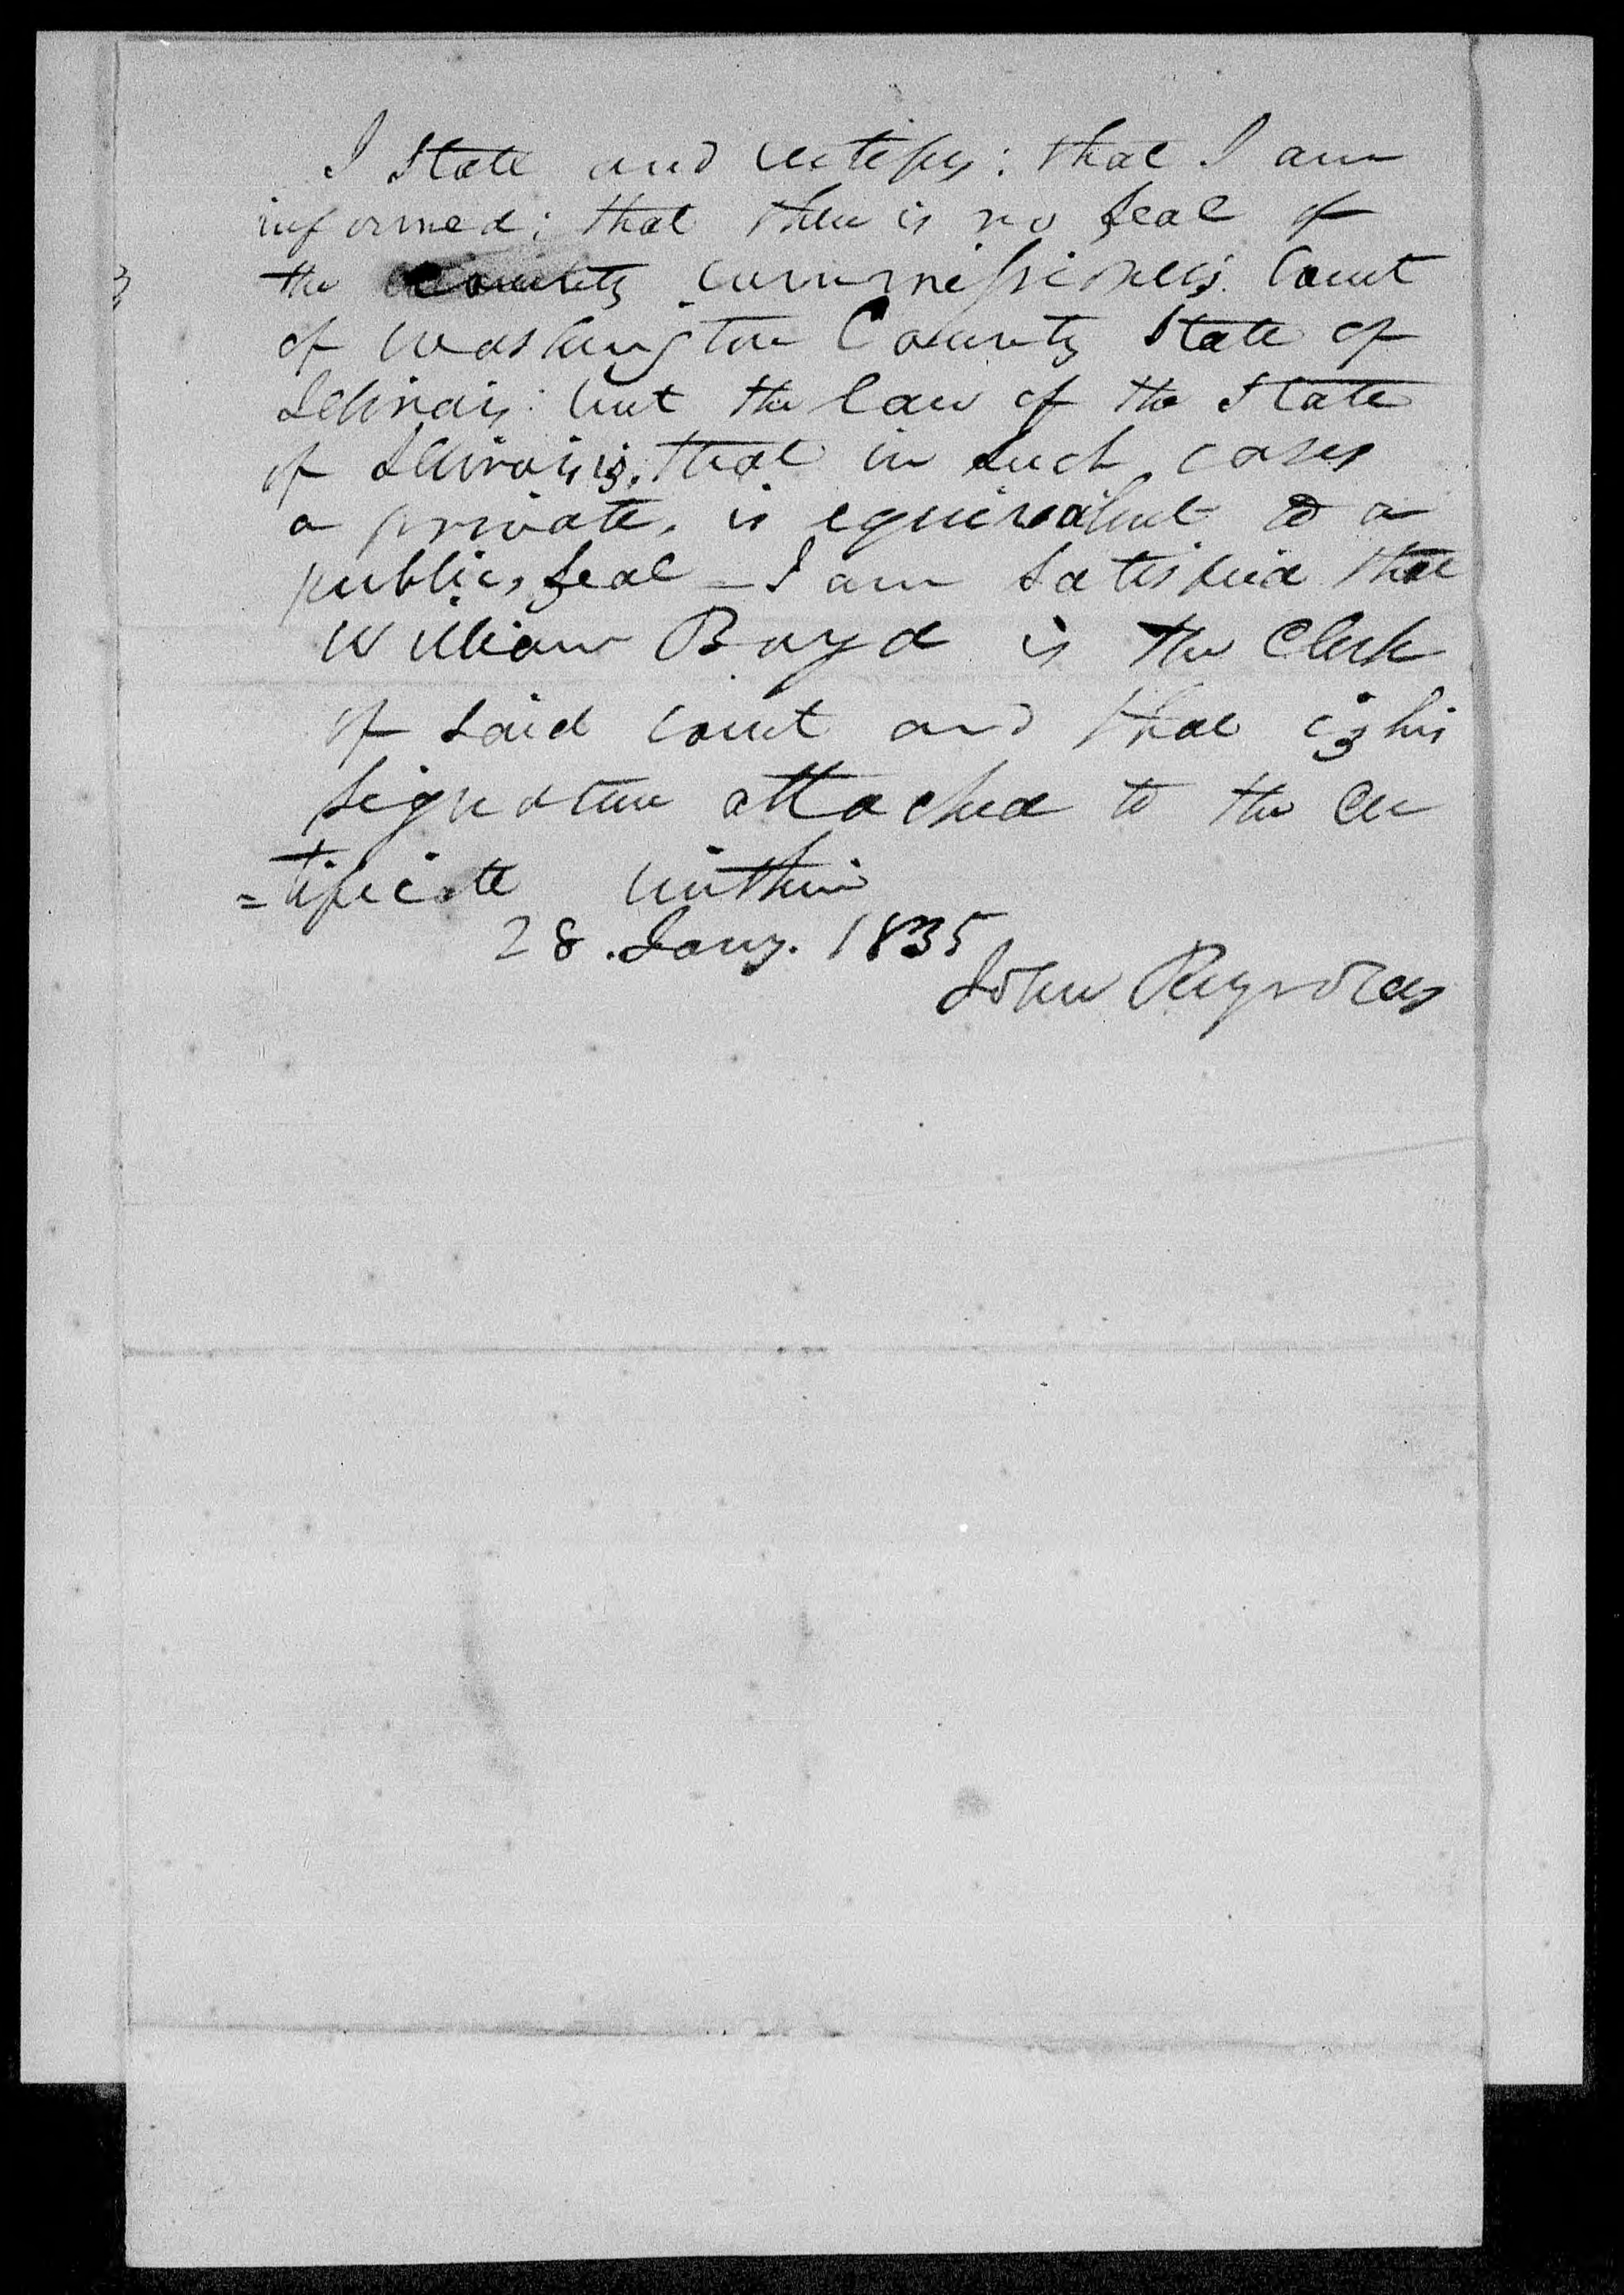I State and certify that I am 
informed that there is no seal of the County Commissioner's Court 
of Washington the County State of 
Illinois but the law of the State 
of Illinois, that in such cases 
a private, is equivalent to a
 public Seal. I am satisfied that 
William Boyd is the Clerk 
of said Court and is his
Signature attached to the 
certificate within 
28 Jany. 1835 

John Reynolds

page: 66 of 93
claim: widow's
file: W. 21792, for Thomas Mc Clurken, South Carolina